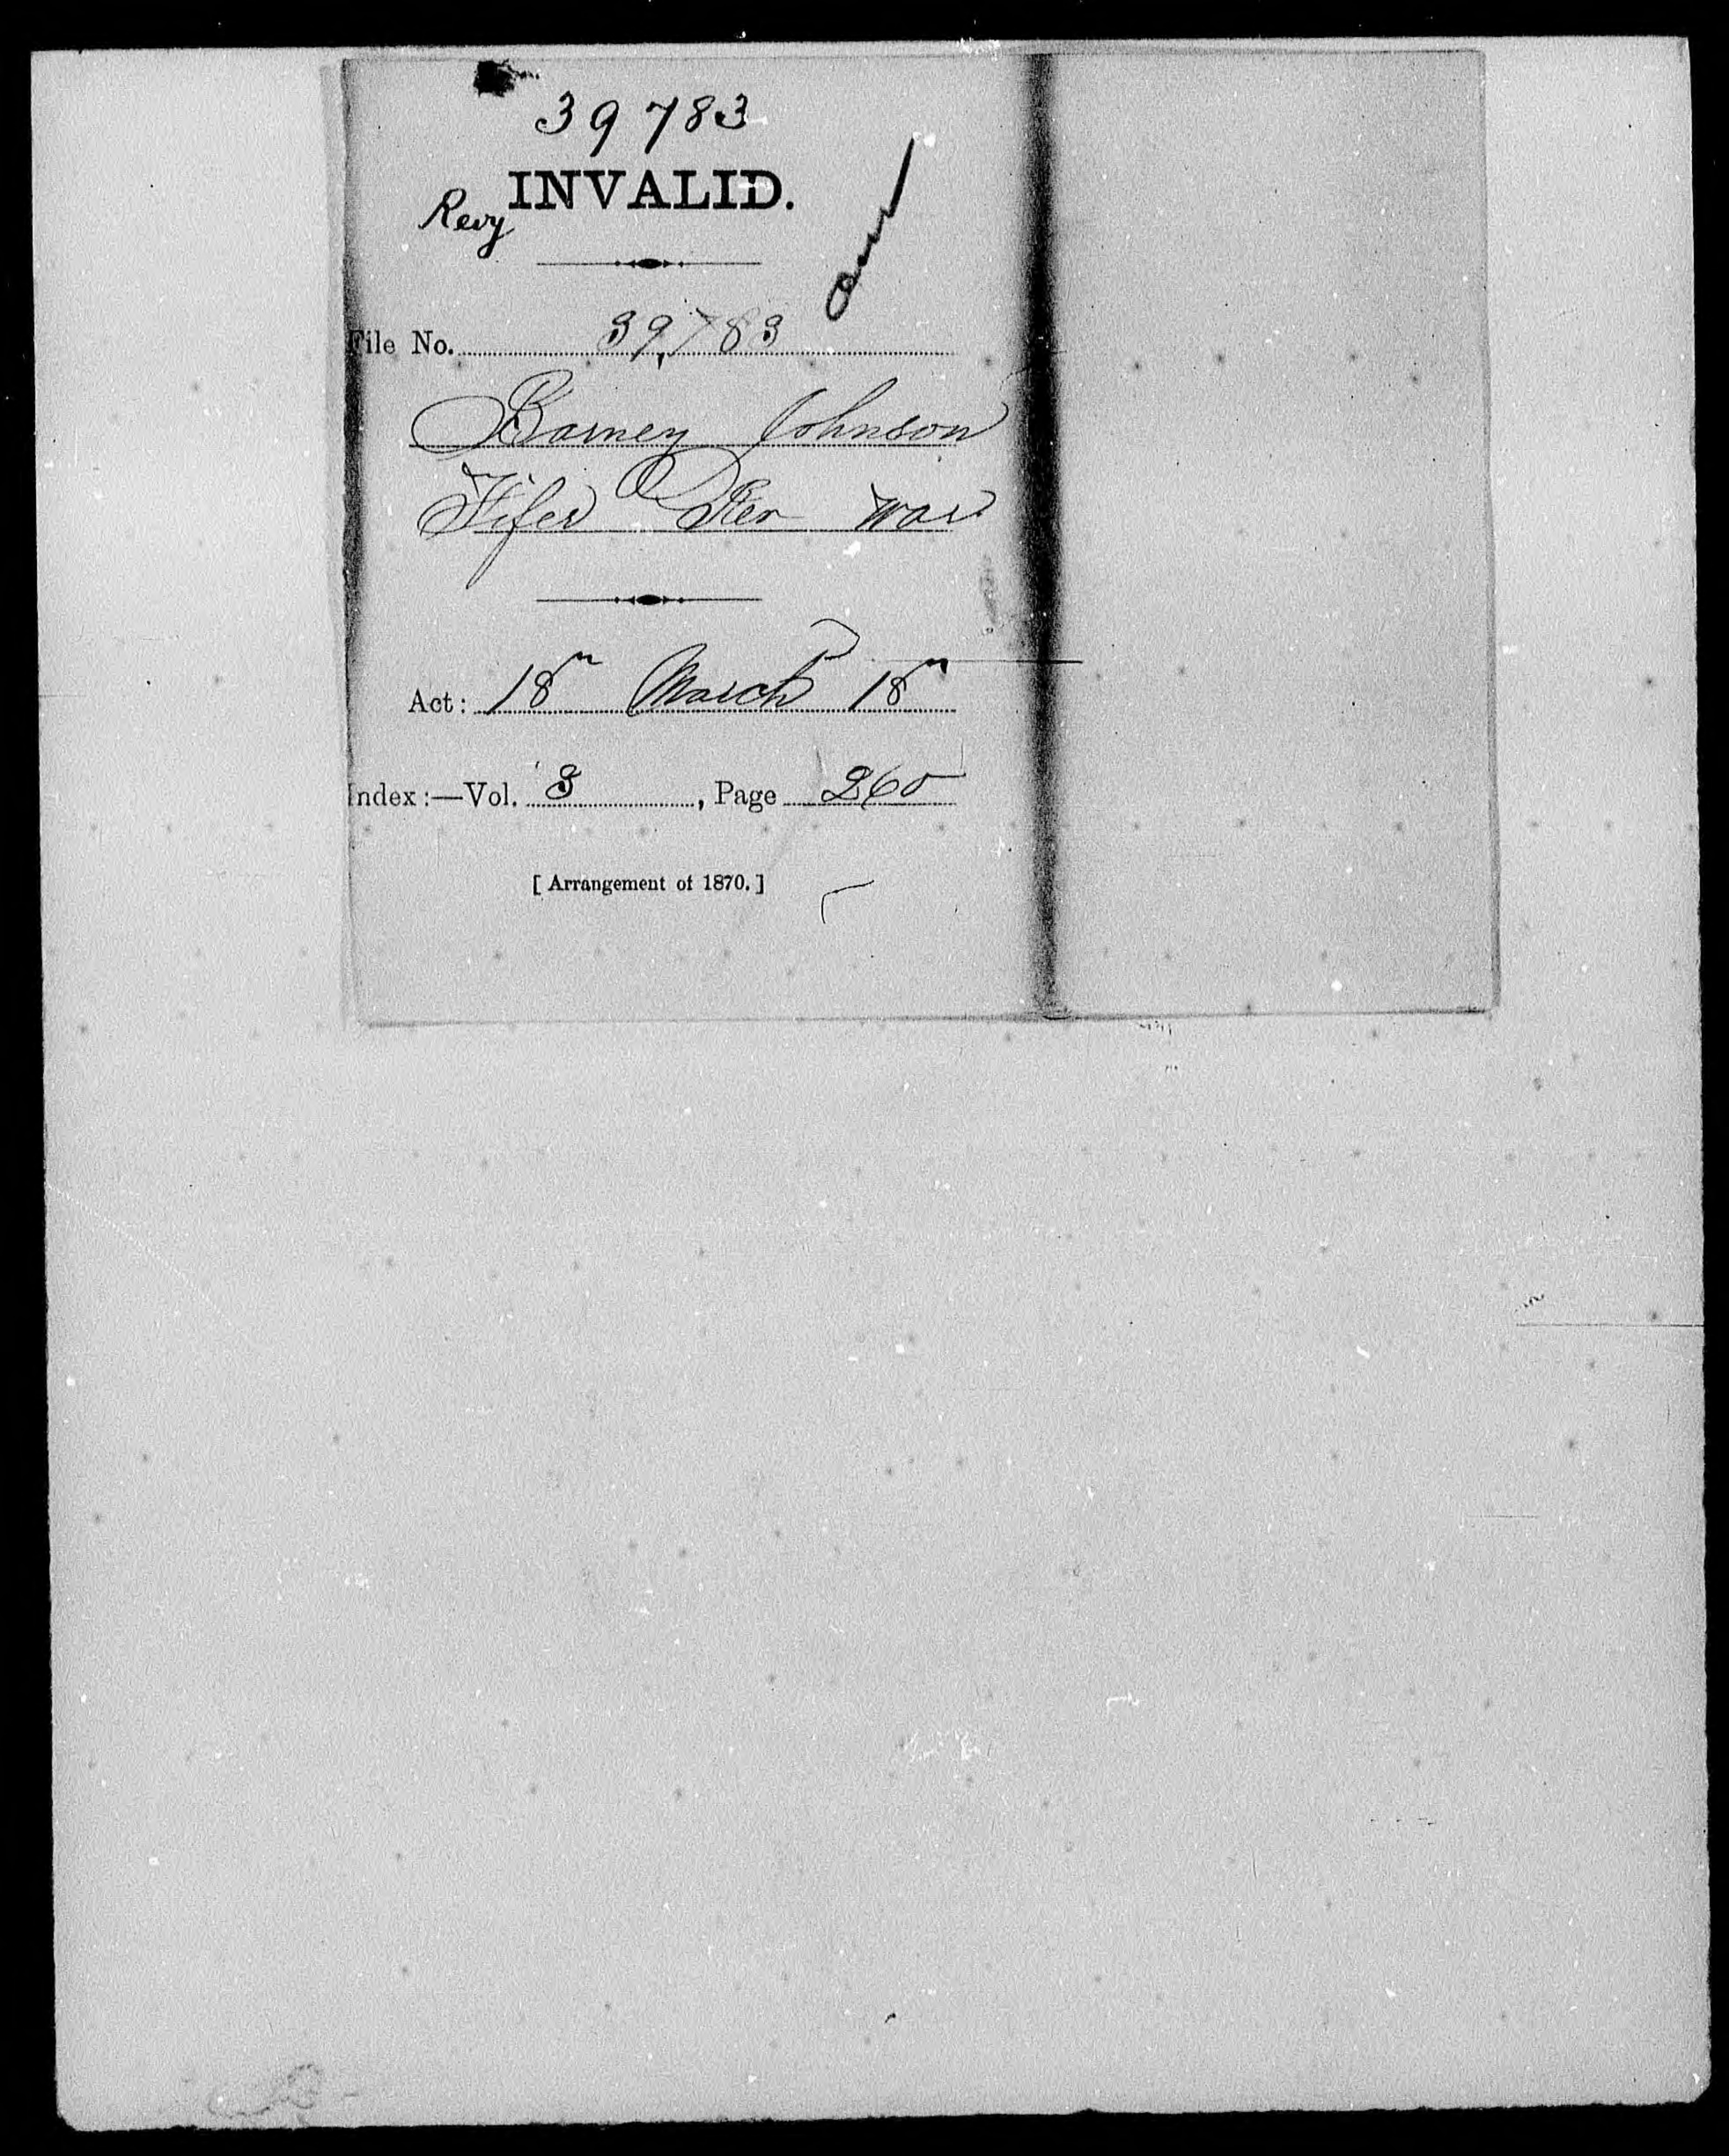39783
INVALID
Revy

File No 39783

Barney Johnson
Fifer Rev War

Act 18th March '18
Index Vol 3 Page 265

[Arrangement of 1870.]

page: 10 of 11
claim: survivor's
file: S. 39,783, for Barny Johnson, Maryland